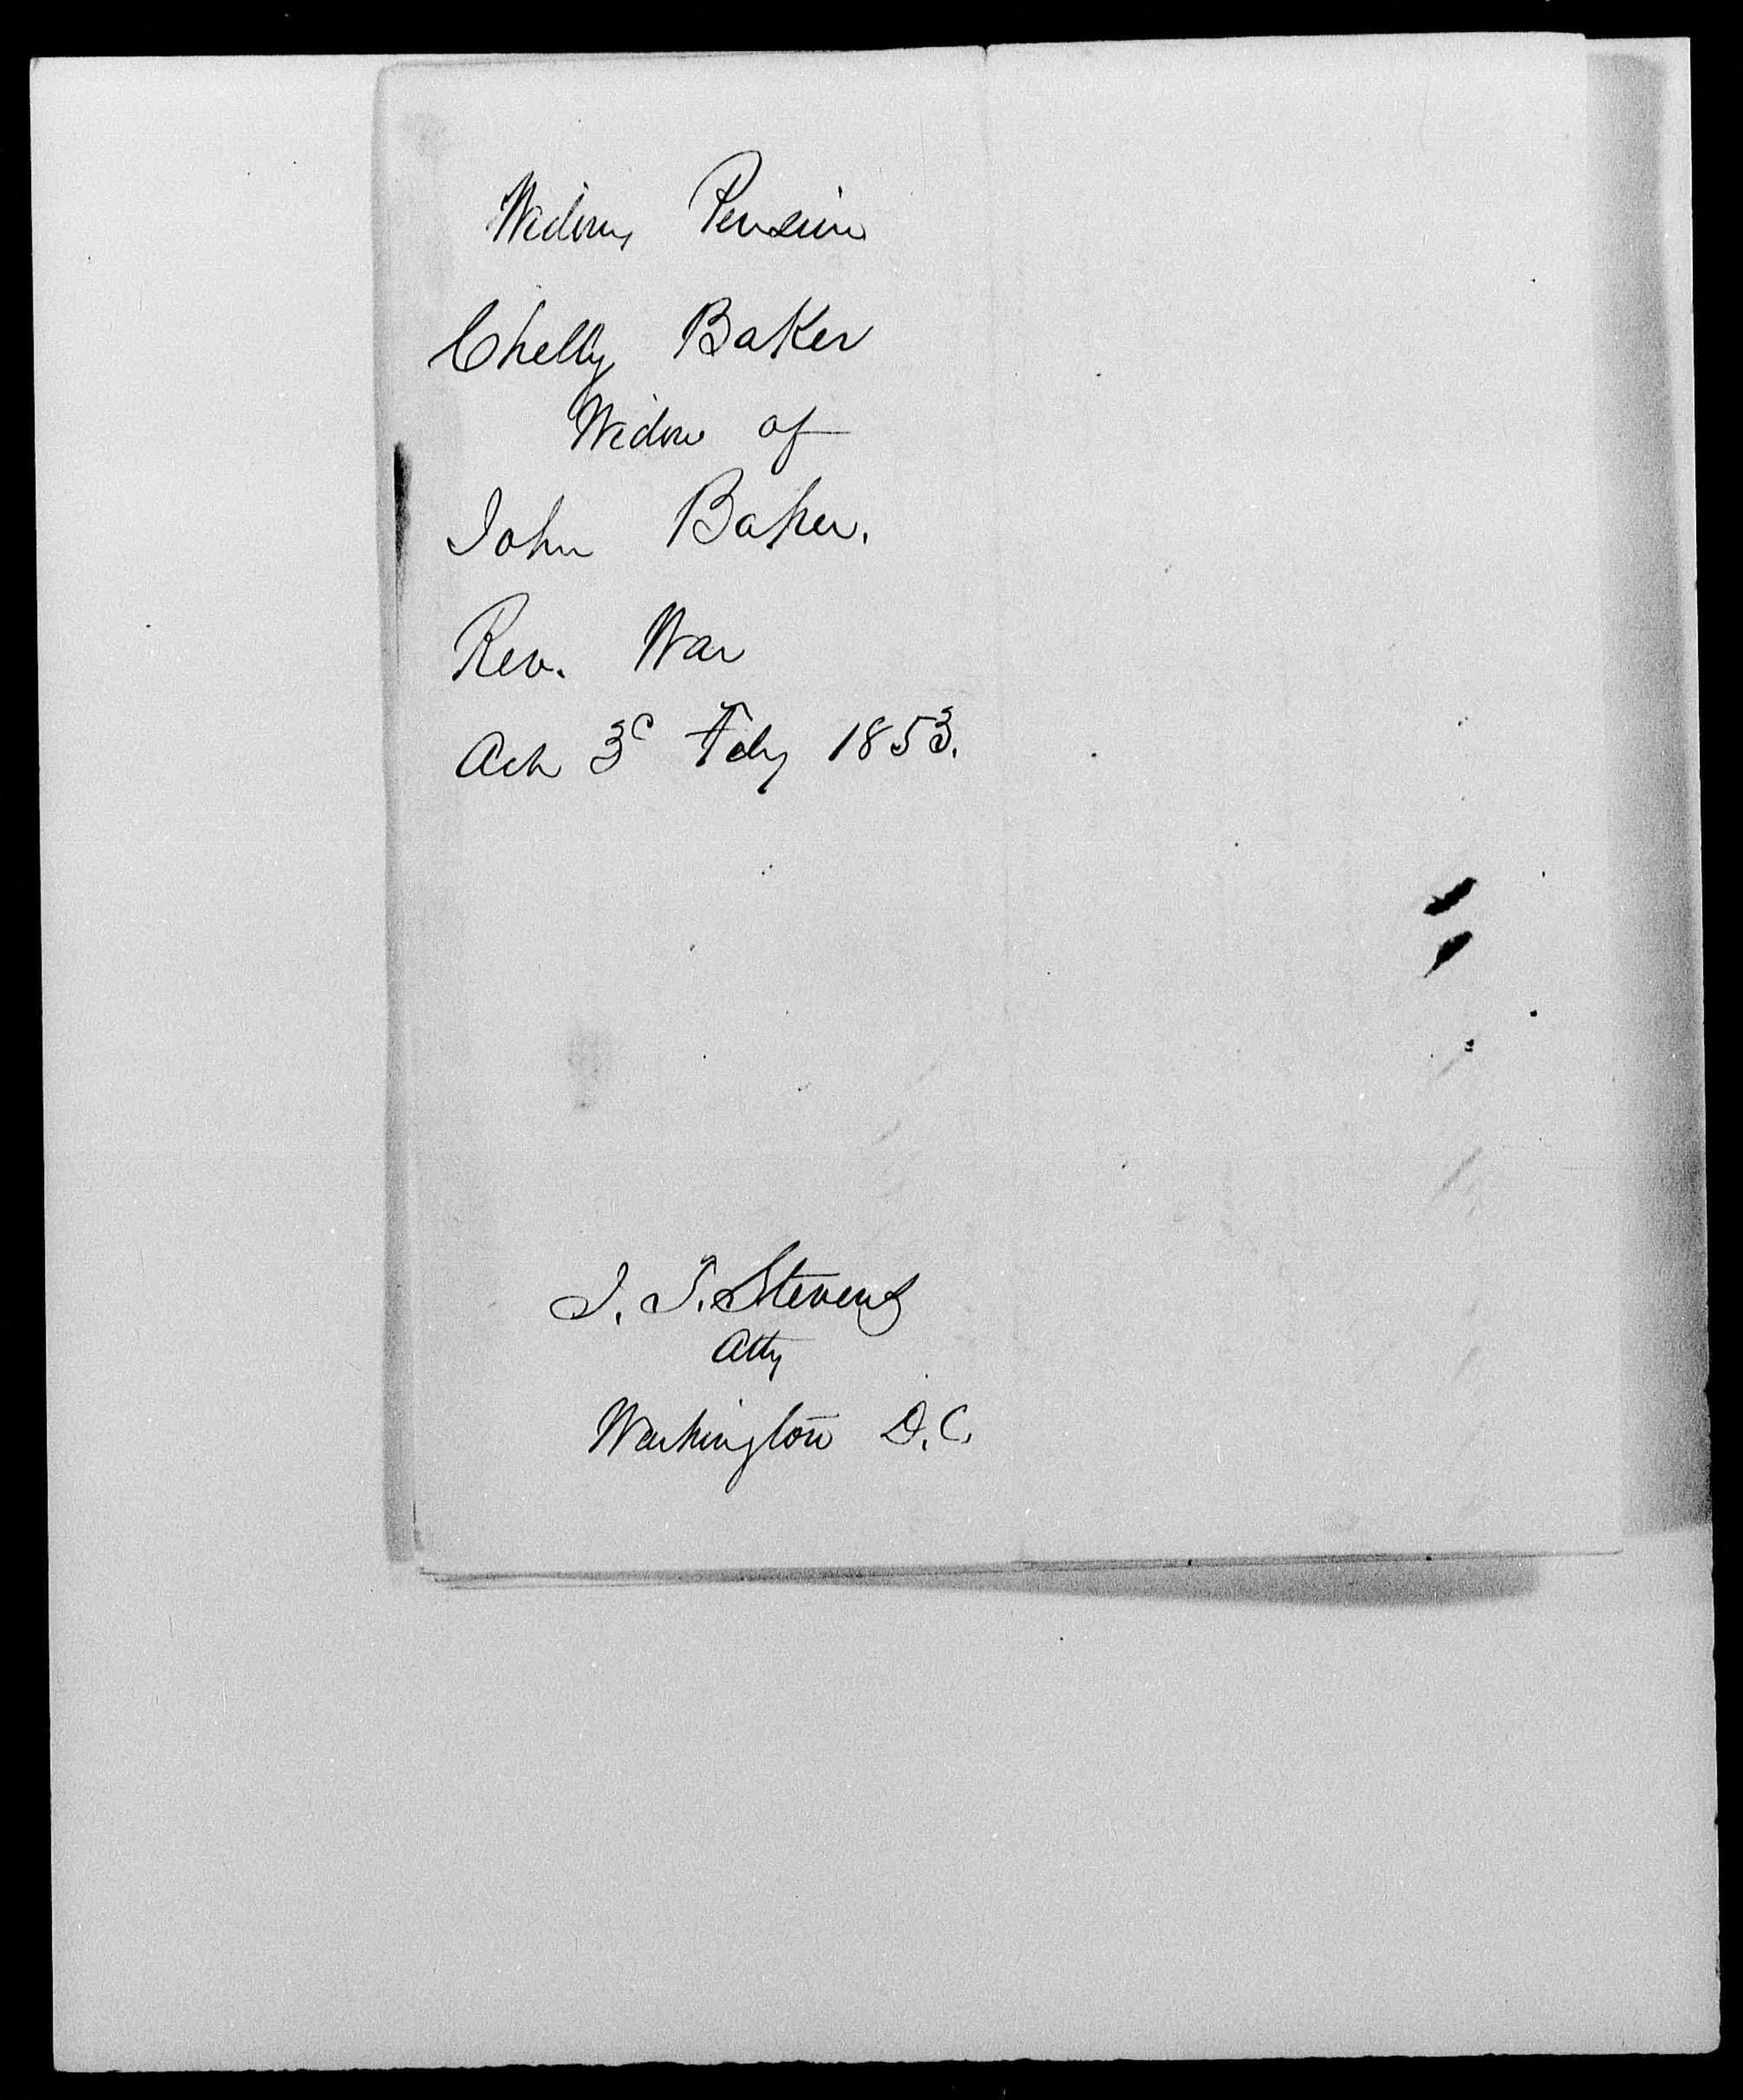Widow Pension
Chelly Baker
Widow of John Baker
Rev. War
Act 3rd Feby 1853

J. T. Stevens Atty
Washington D.C.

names: J T Stevens, John Baker, Chelly Baker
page: 11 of 27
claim: rejected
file: R. 406, John Baker, S.C.